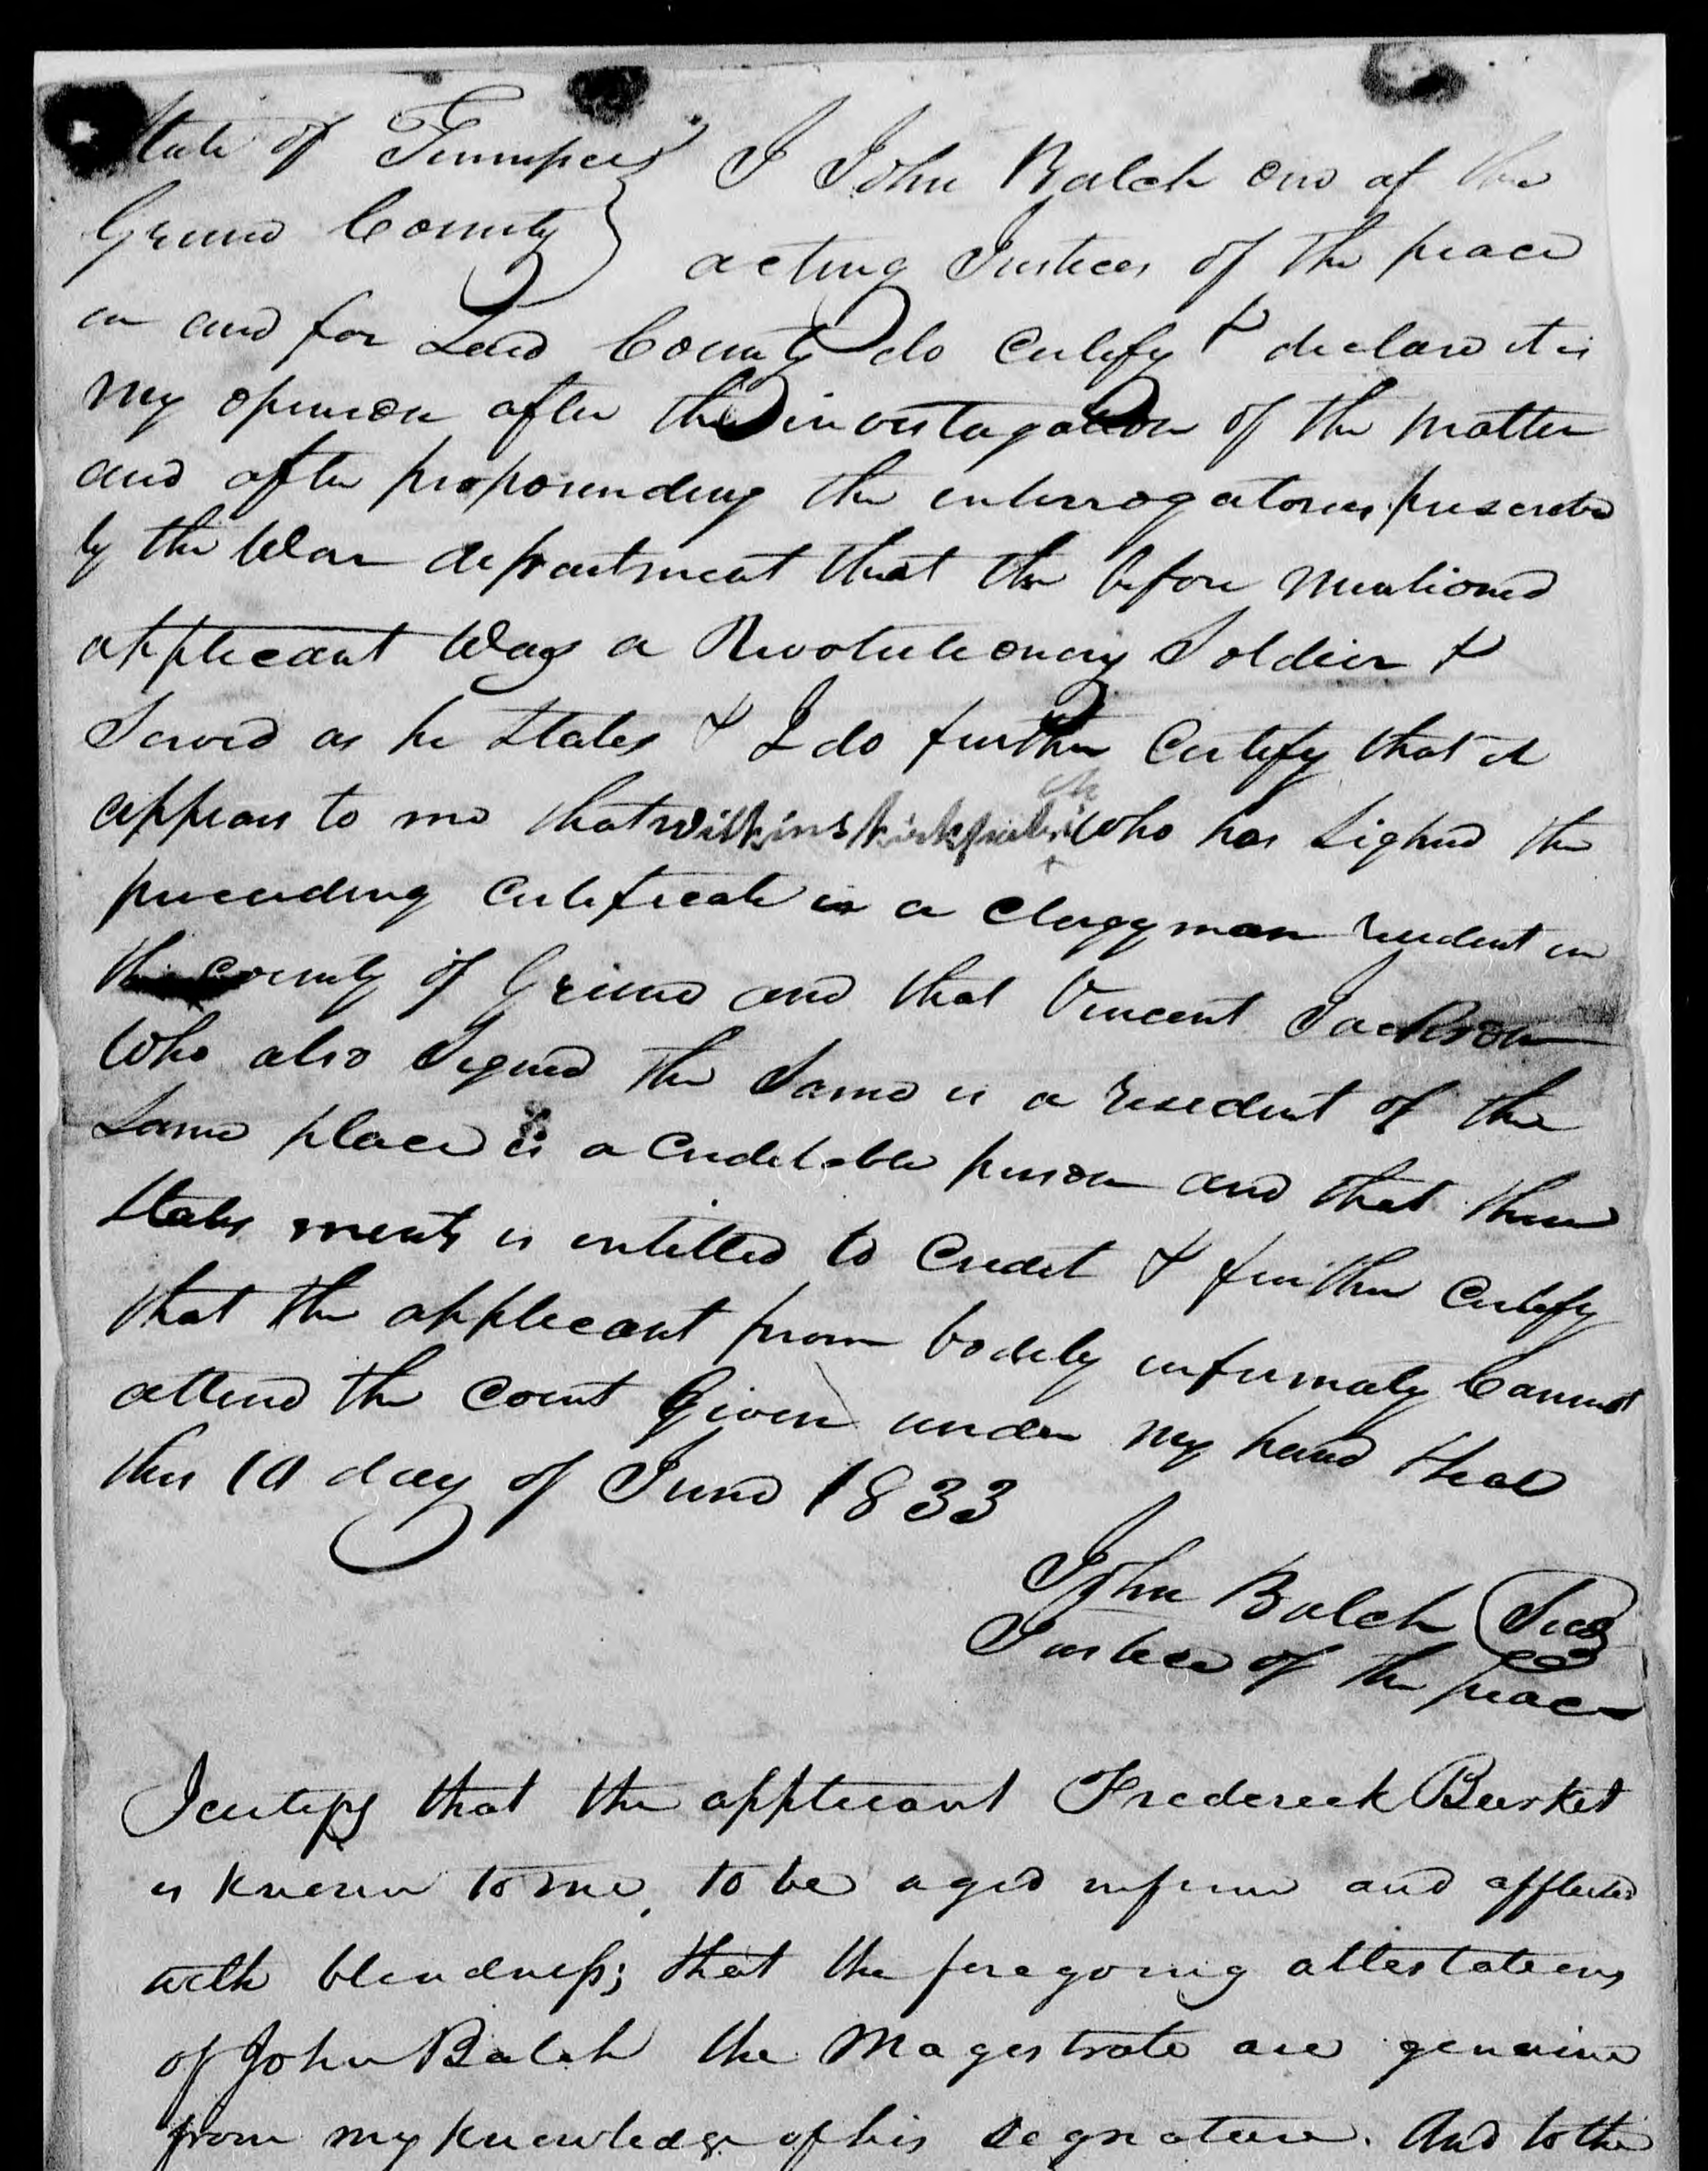State of Tennessee}
Green County}
I John Balch one of the acting Justices of the peace in and for said County do certify & declare it is my opinion after the inoutgation (sic) of the matter and after propounding the interrogatories prescribed by the War Department that the before mentioned applicant was a Revolutionary Soldier & Served as he states & I do further certify that it appears to me that Wilkins Kirkpatrick who has signed the preceding certificate is a clergyman resident in the county of Green and that Vincent Jackson who also signed the same is a resident of the same place is a credible person and that these statements is entitled to credit & further certify that the applicant from bodily infirmity cannot attend the court given under my hand that this 10 day of June 1833

John Balch (Seal)
Justice of the peace

I certify that the applicant Frederick Burket is known to me to be aged infirm and affected with blindness; that the foregoing attestatements of John Balch the magistrate are genuine from my knowledge of his signature. And to the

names: John Balch, Frederick Burket, John Balch, John Balch, Wilkins Kirkpatrick, Vincent Jackson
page: 8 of 47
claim: survivor's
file: S. 3102, Frederick Burket, Va.